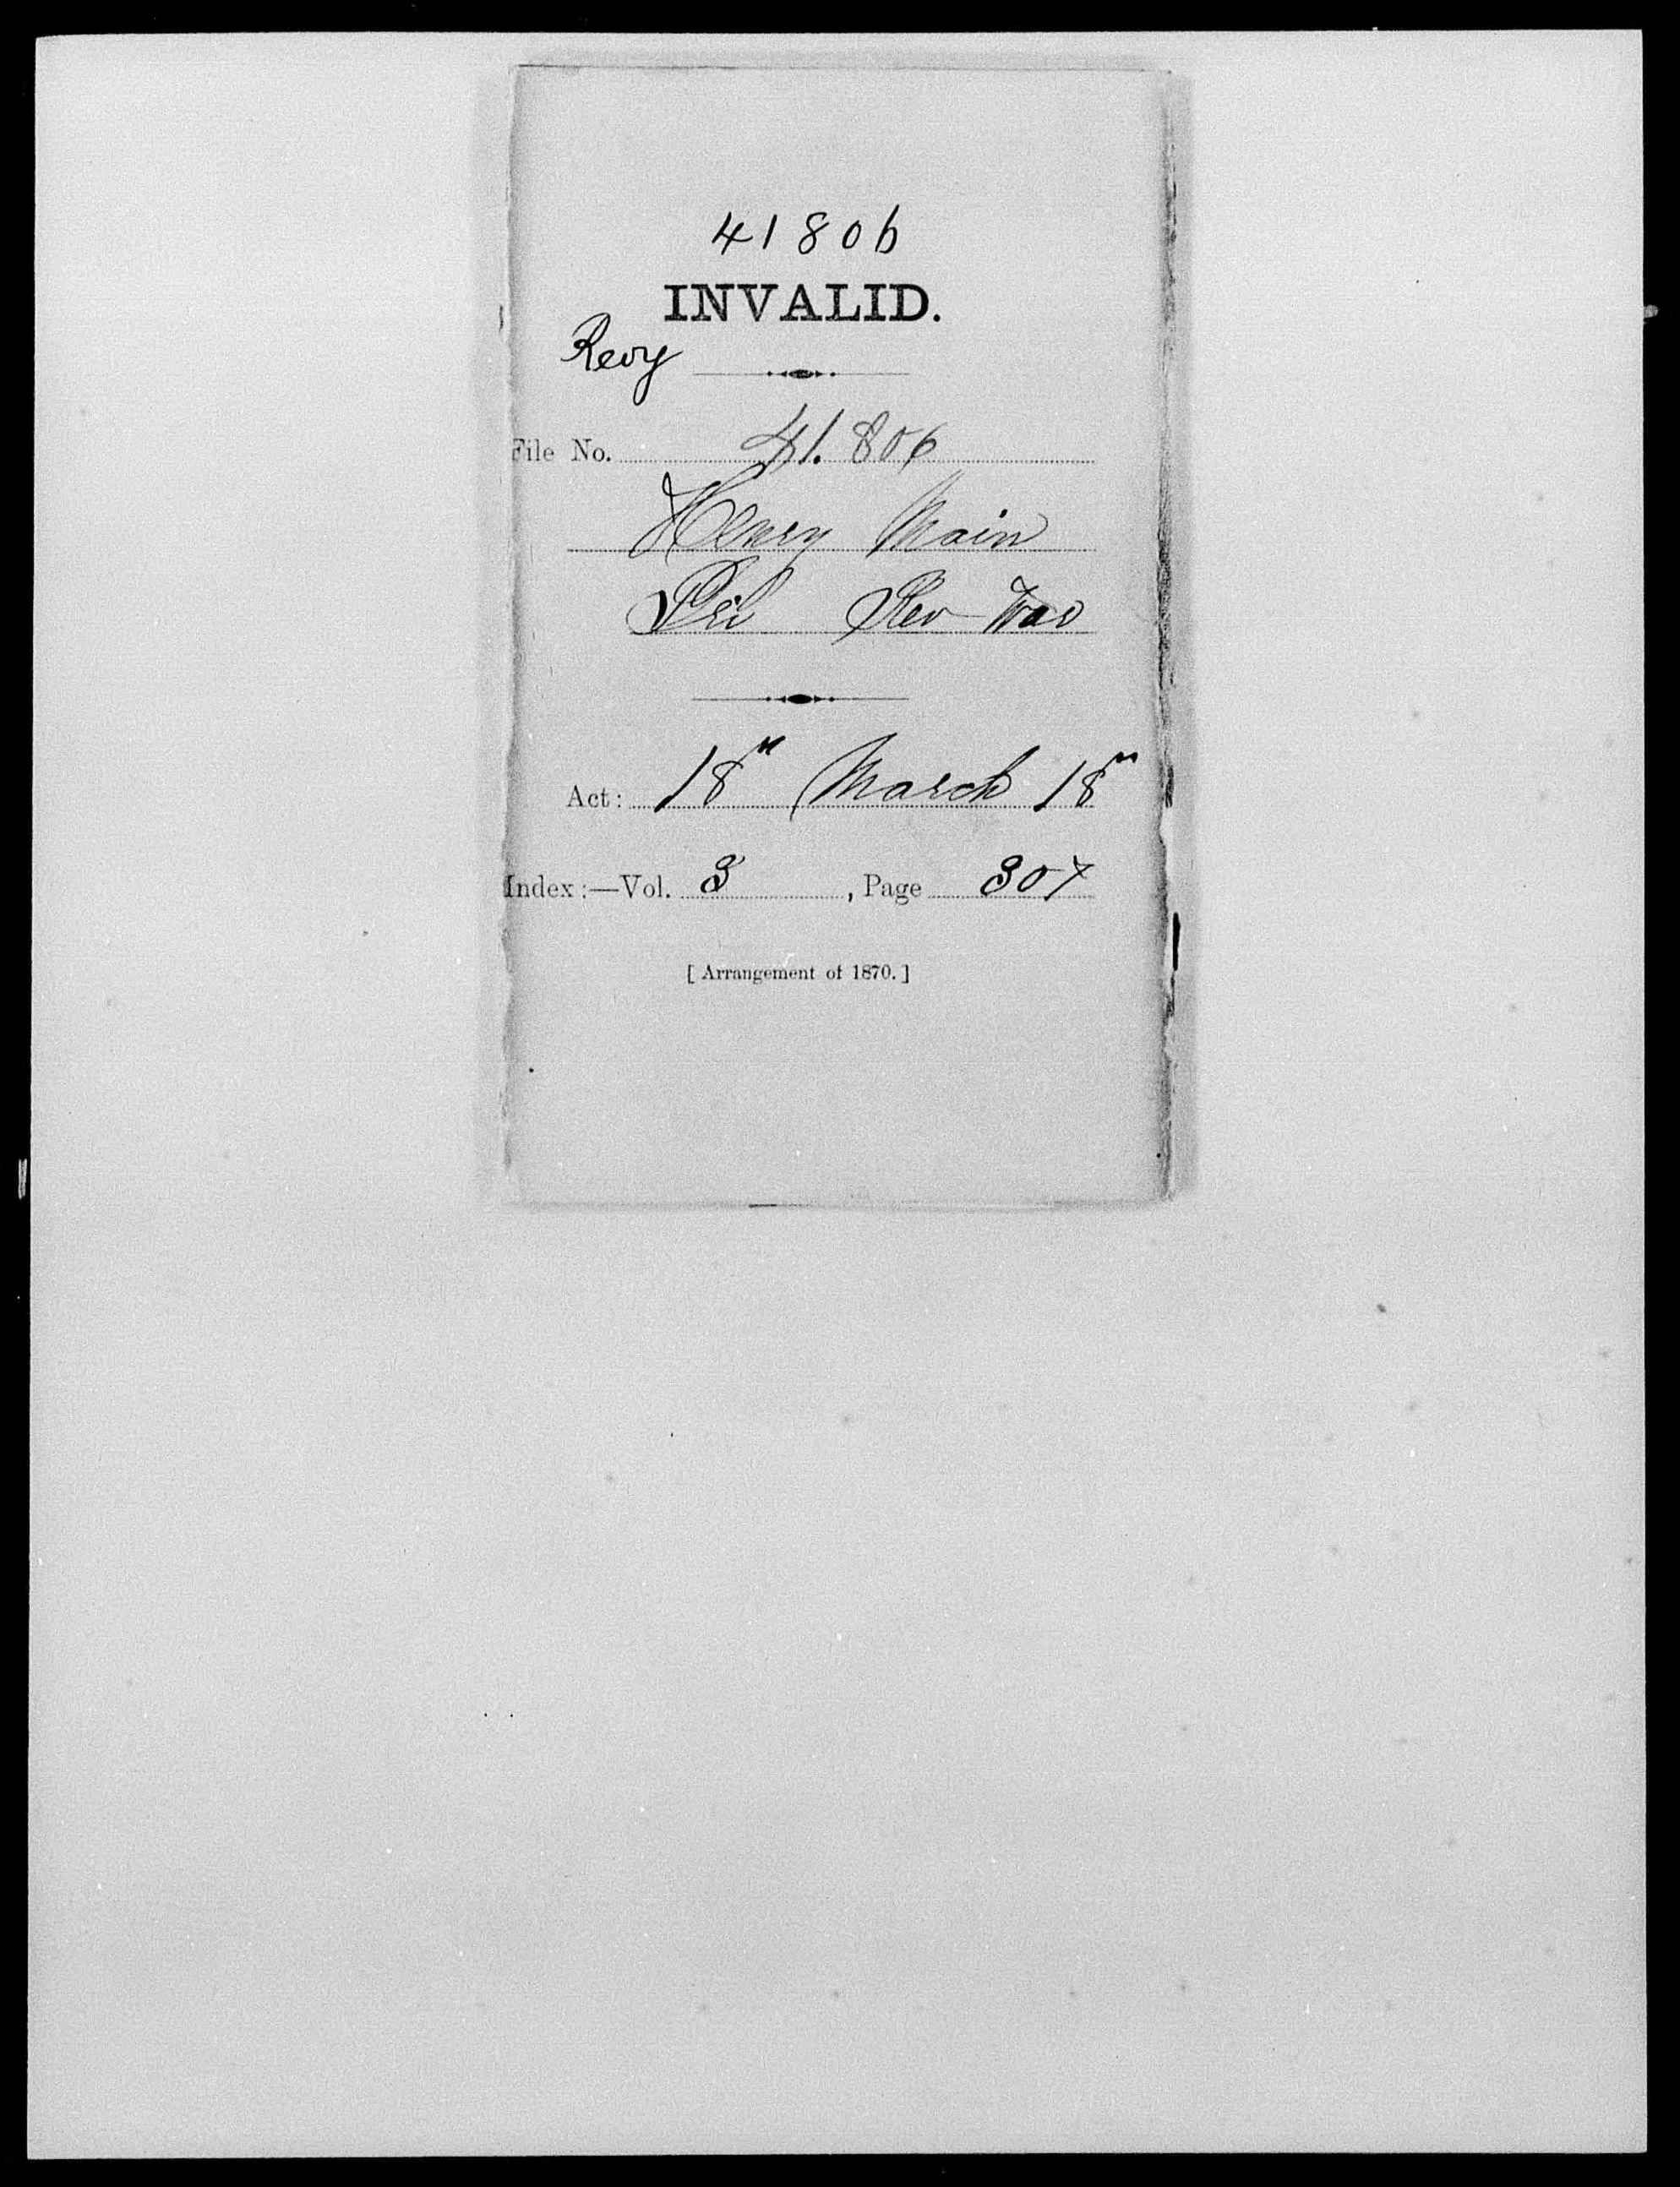41806
INVALID.
Revy
---
File No.  41.806
Henry Main
Priv Rev War
-
Act: 18th March 1820


Index: -- Vol. 3, Page 307
{Arrangement of 1870.}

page: 10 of 13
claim: survivor's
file: S. 41806, for Henry Main, Maryland